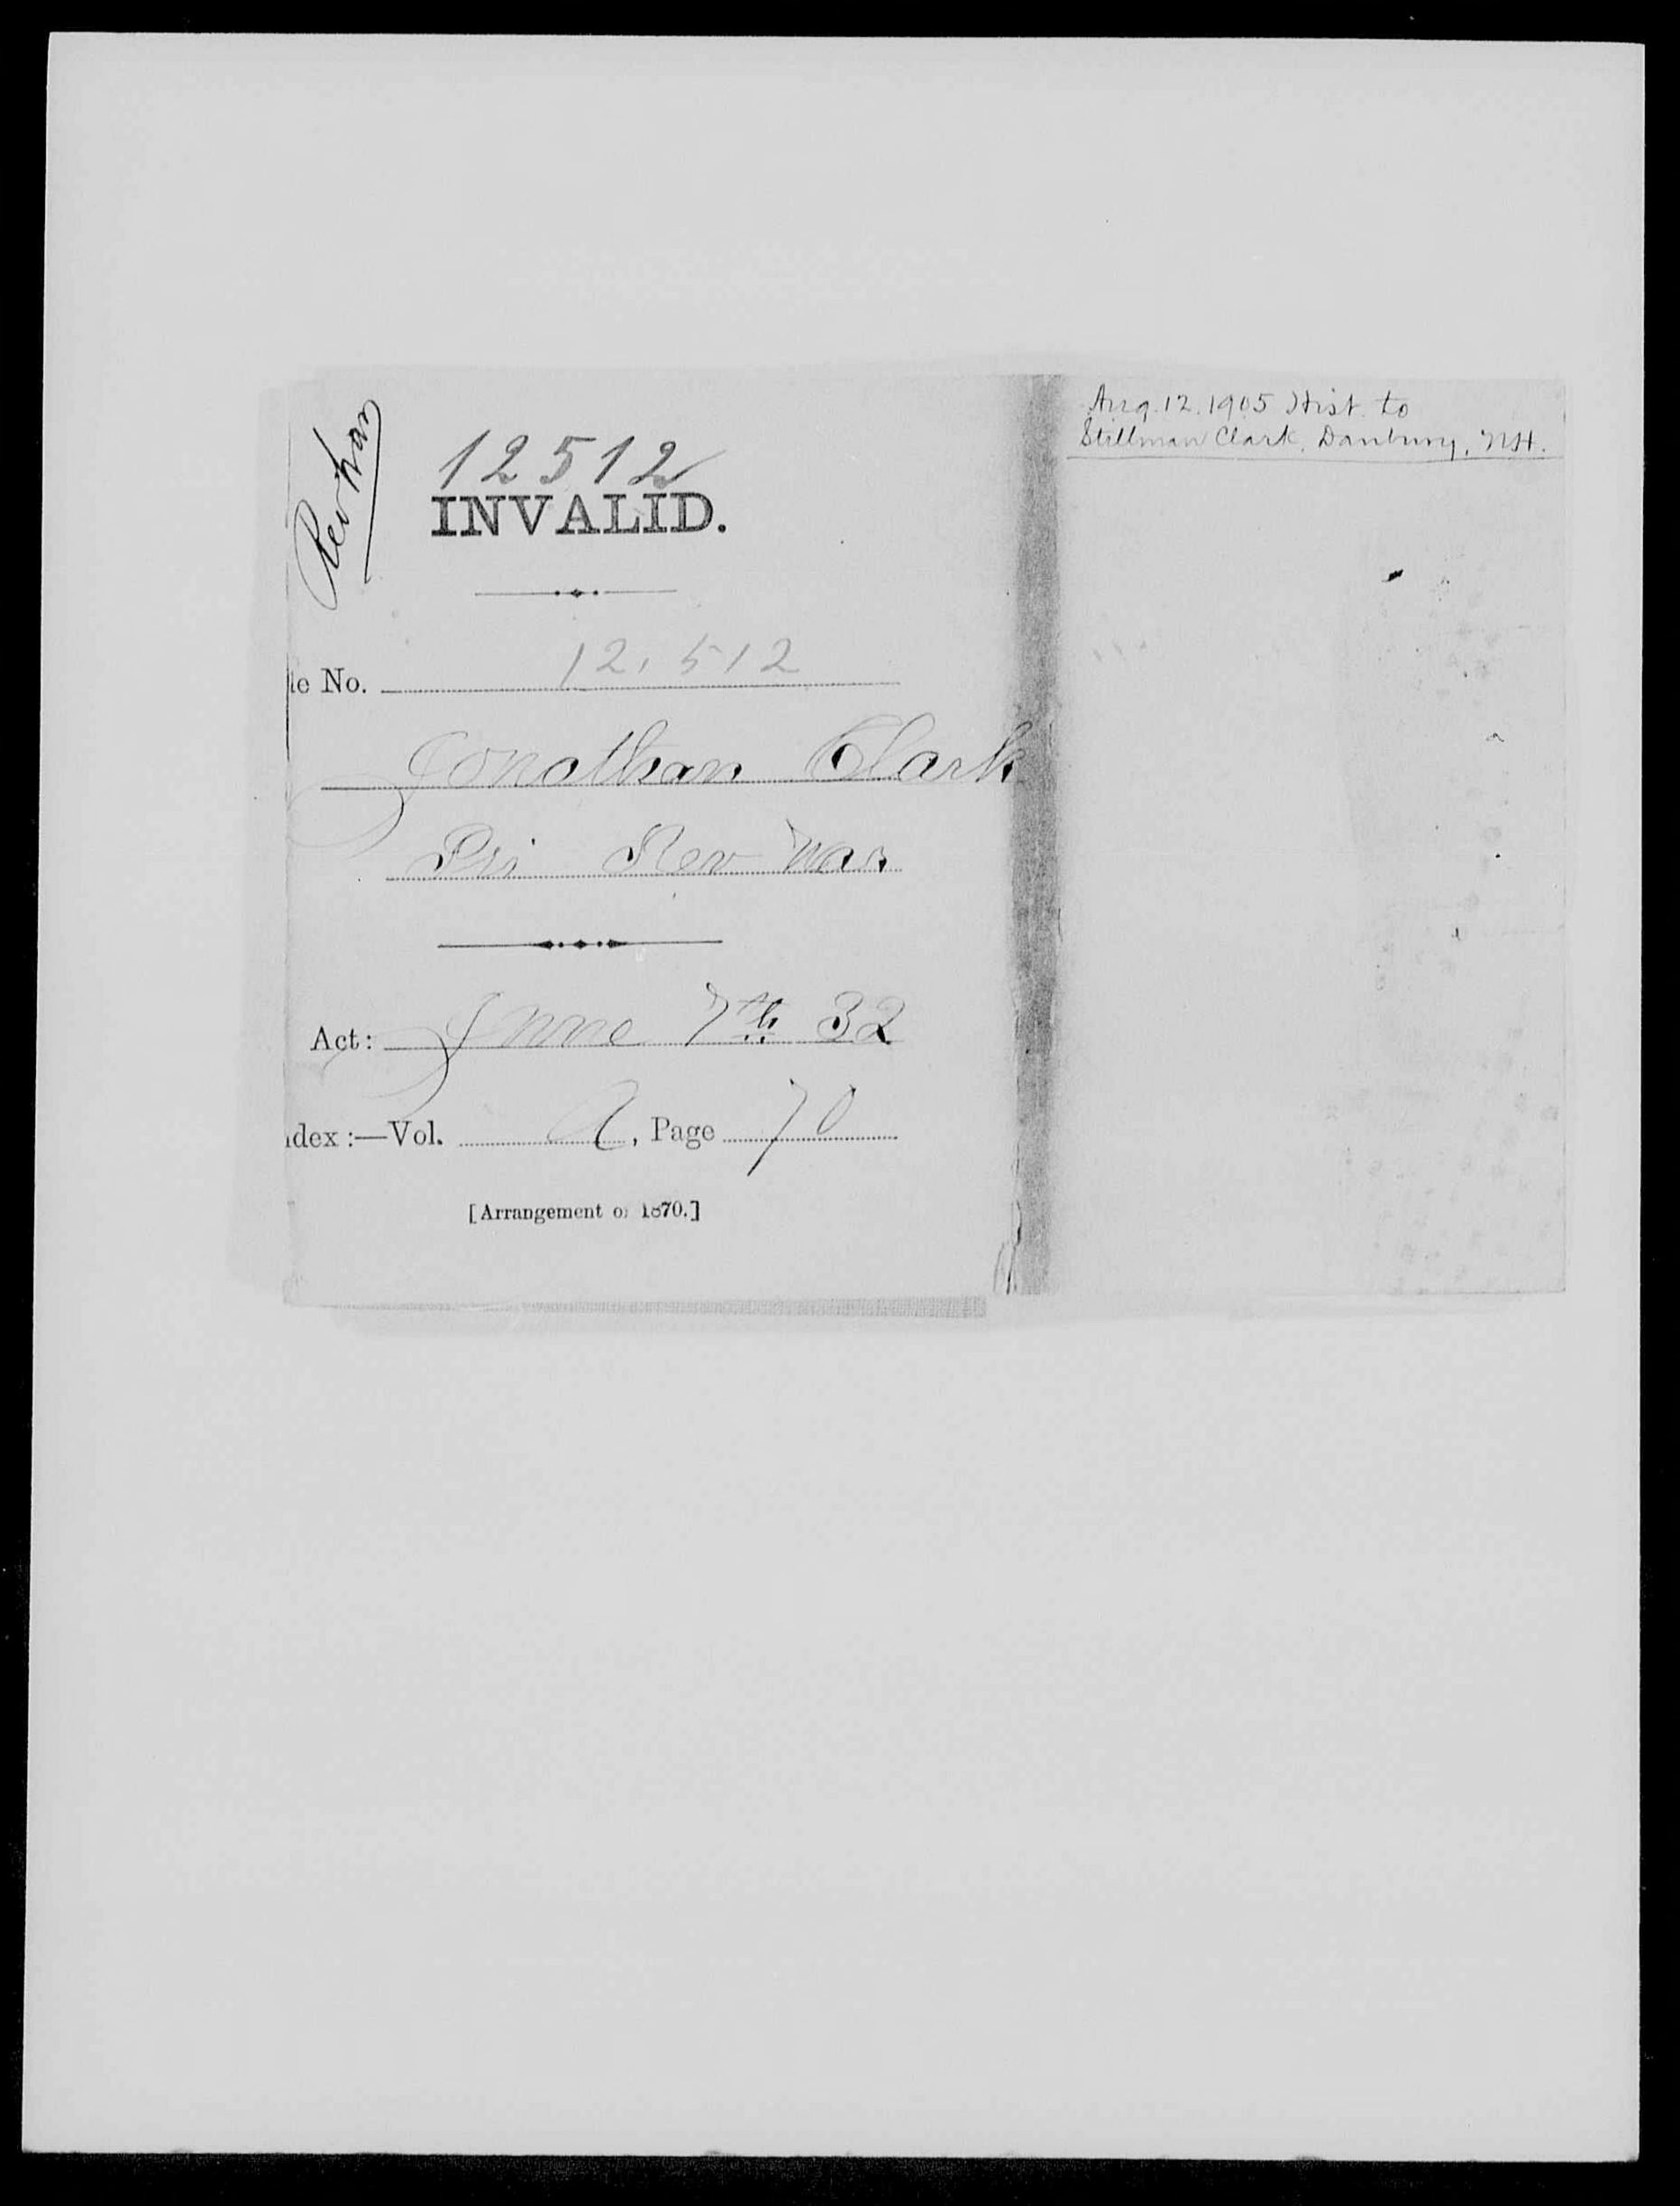No.
12512
INVALID.
12,512
Jonathan Clark
Pri Rev War
---
Act: June 7th 32
dex:--Vol. A
. Page 70

Arrangement of 1870.]

Aug. 12, 1905 Hist to
Stillman Clark, Danbury, NH.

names: Stillman Clark, Jonothan Clark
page: 18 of 18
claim: survivor's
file: S. 12,512, Jonathan Clark, Mass. N.H.